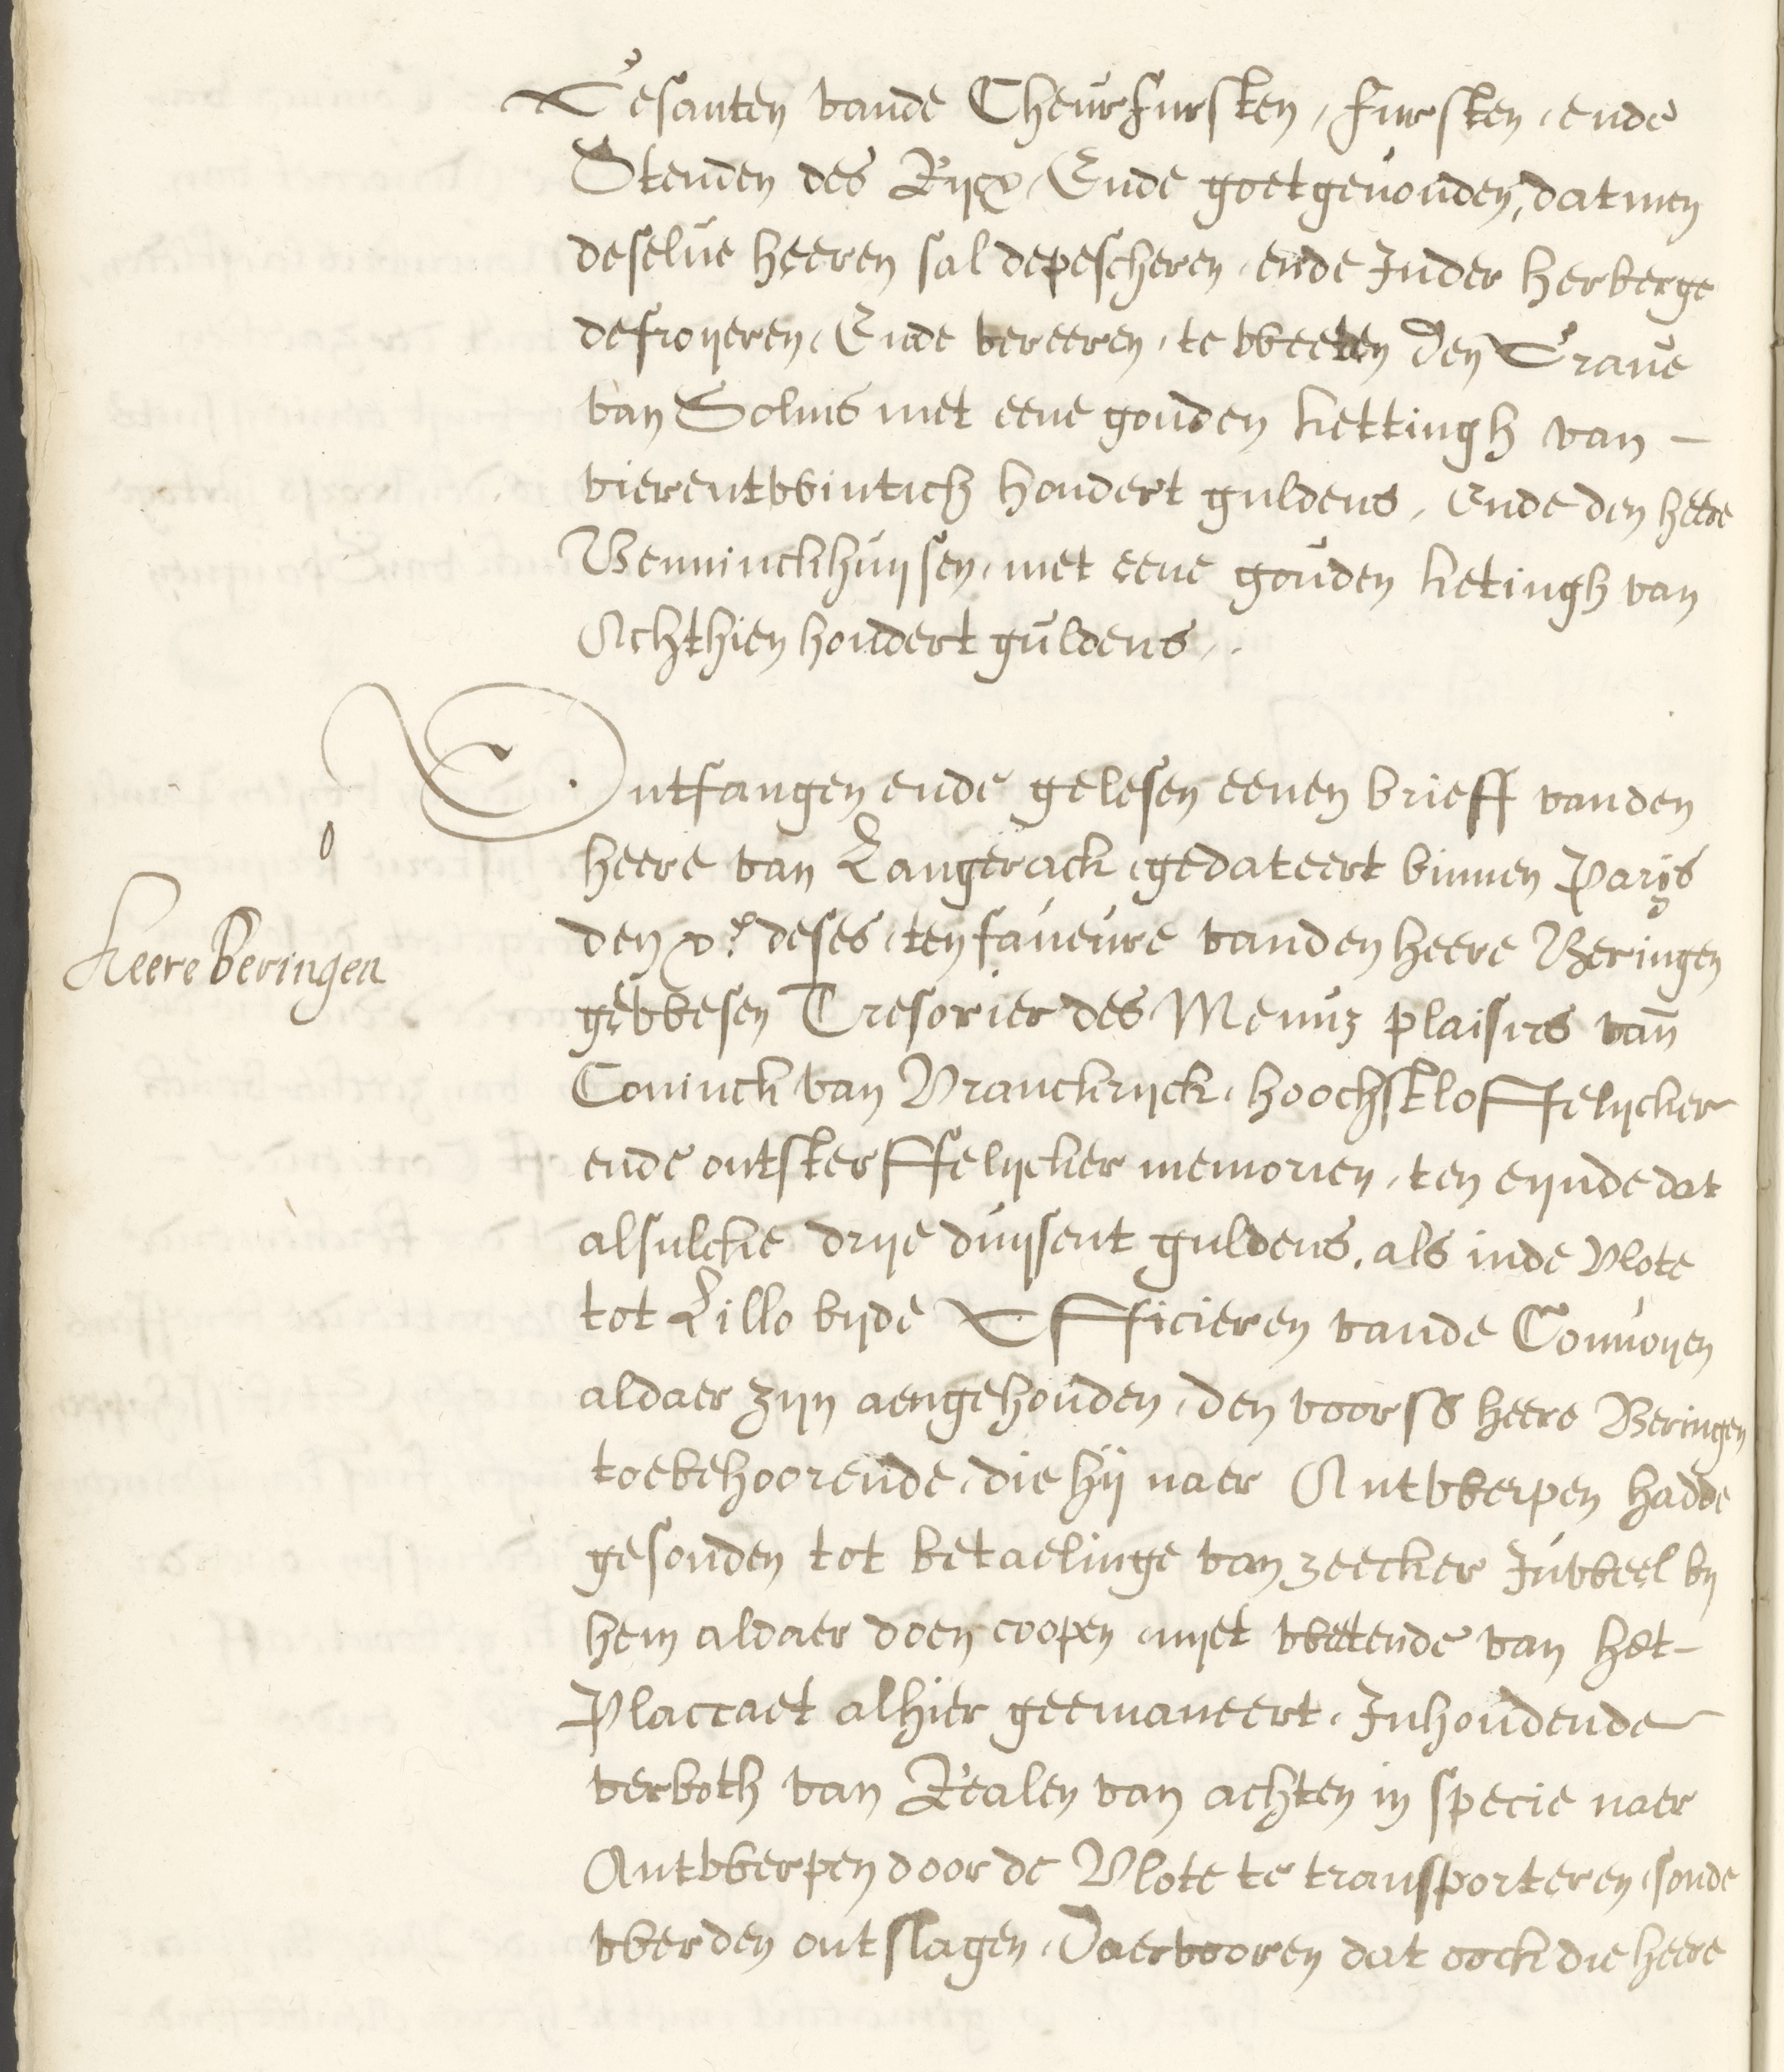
Gesanten vande Cheurfursten, fursten, ende
Stenden des Rycx. Ende goetgeuonden, datmen
deselue heeren sal depescheren, ende Inder herberge
defroyeren, Ende vereeren, te weeten den Graue
van Solms met eene gouden kettingh van -
vierentwintich hondert guldens, Ende den heere
Benninckhuysen, met eene gouden ketingh van
Achthien hondert guldens.
Heere Beringen
Ontfangen ende gelesen eenen brieff vanden
heere van Langerack, gedateert binnen Parys
den xe. deses, ten faueure vanden heere Beringen
gewesen Tresorier des Menuz plaisirs van
Coninck van Vranckryck, hoochstloffelycker
ende ontsterffelycker memorien, ten eynde dat
alsulcke, drye duysent guldens, als inde Vlote
tot Lillo byde Officieren vande Conuoyen
aldaer zyn aengehouden, den voors heere Beringen
toebehoorende, die hij naer Antwerpen hadde
gesonden tot betaelinge van zeecker Juweel by
hem aldaer doen coopen nyet weetende van het
Placcaet alhier geemaneert, Inhoudende
verboth van Realen van achten in specie naer
Antwerpen door de Vlote te transporteren, soude
werden ontslagen, daervooren dat oock die heere
